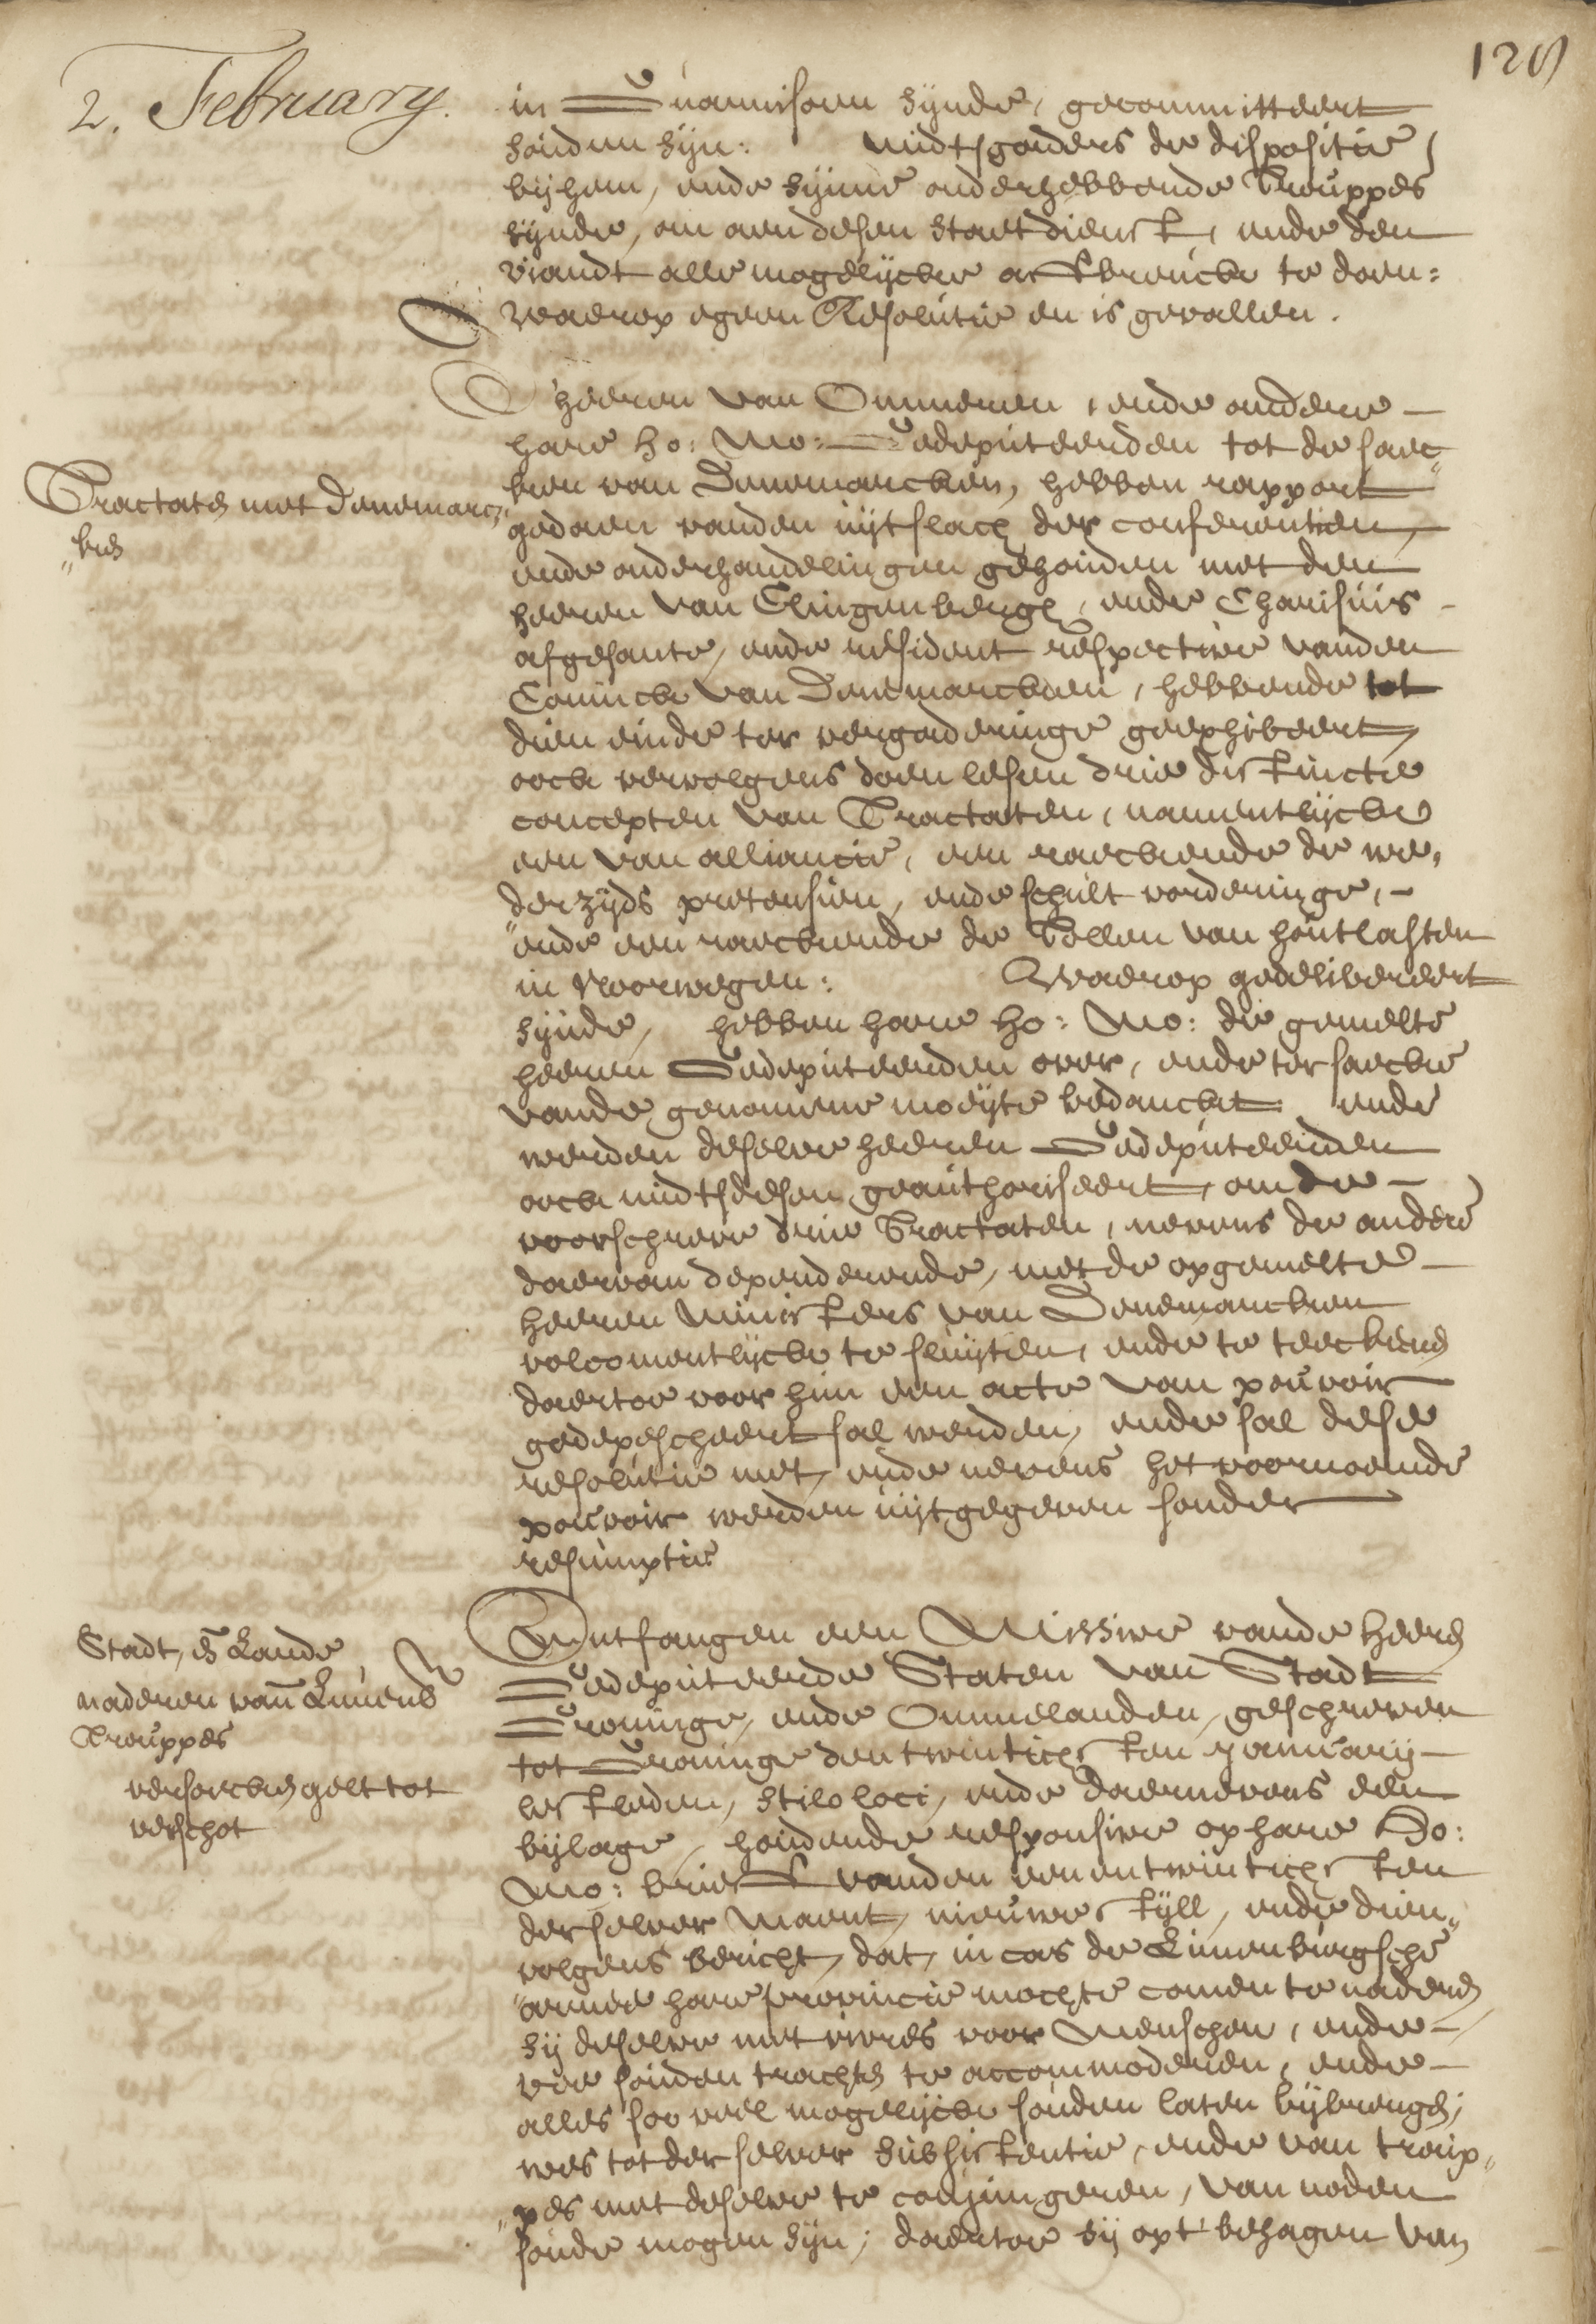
128
2. Februarij.
in Guarnisoen sijnde, gecommitteert
souden sijn: midtsgaders de dispositie
bij hem, ende sijne onderhebbende Trouppes
sijnde, om aen desen staet dienst, ende den
viandt alle mogelijcke affbreuck te doen:
O waerop egeen Resolutie en is gevallen.
Tractaten met Denemarc,,
„ken
D 'heeren van Ommeren ende andere —
hare ho:Mo: Gedeputeerden tot de saec„
ken van Denemarcken, hebben rapport
gedaen vanden uijtslach der conferentien,
ende onderhandelingen gehouden met den
heeren van Clingenbergh, ende Charisius -
afgesante, ende resident respective vanden
Coninck van Denemarcken, hebbende tot
dien einde ter vergaderinge geexhibeert,
oock vervolgens doen lesen drie distincte
concepten van Tractaten, namentlijck
een van alliancie, een raeckende de we,,
„derzijds pretensien, ende schult vorderinge, -
ende een raeckende de Tollen van houtlasten
in Noorwegen: Waerop gedelibereert
sijnde, hebben hare ho:Mo de gemelte
heeren Gedeputeerden over, ende ter saecke
vande genomene moeijte bedanckt ende
werden deselve heeren Gedeputeerden
oock midtsdesen geauthoriseert, om de —
voorschreve drie Tractaten, nevens de andere
daervan dependerende, met de opgemelte
heeren Ministers van Denemarcken
volcomentlijck te sluijten, ende te teeckenen
daertoe voor hun een acte van pouvoir
gedepescheert sal werden, ende sal dese
resolutie met, ende nevens het voornoemde
pouvoir werden uijtgegeven sonder
resumptie
Stad, en Lande
naderen van Lunenb
Trouppes
versoecken gelt tot
verschot
Ontfangen een Missive vande heeren
Gedeputeerde Staten van Stadt
Groninge, ende Ommelanden, geschreven
tot Groninge den twintichsten Januarij —
lestleden, stilo loci, ende daernevens een
bijlage, houdende responsive op hare Ho:
Mo: brieff vanden eenentwintichsten
derselver maent, nieuwe stijll, ende dien,,
„volgens bericht, dat, in cas de Lunenburgsche
armee hare provincie mochte comen te naderen
sij deselve met vivres voor Menschen, ende —
vee souden trachten te accommoderen, ende —
alles soo veel mogelijck souden laten bijbrengen;
wes tot derselver subsistentie, ende van troup,,
„pes met deselve te conjungeren, van noden
soude mogen sijn; daertoe bij opt' behagen van
